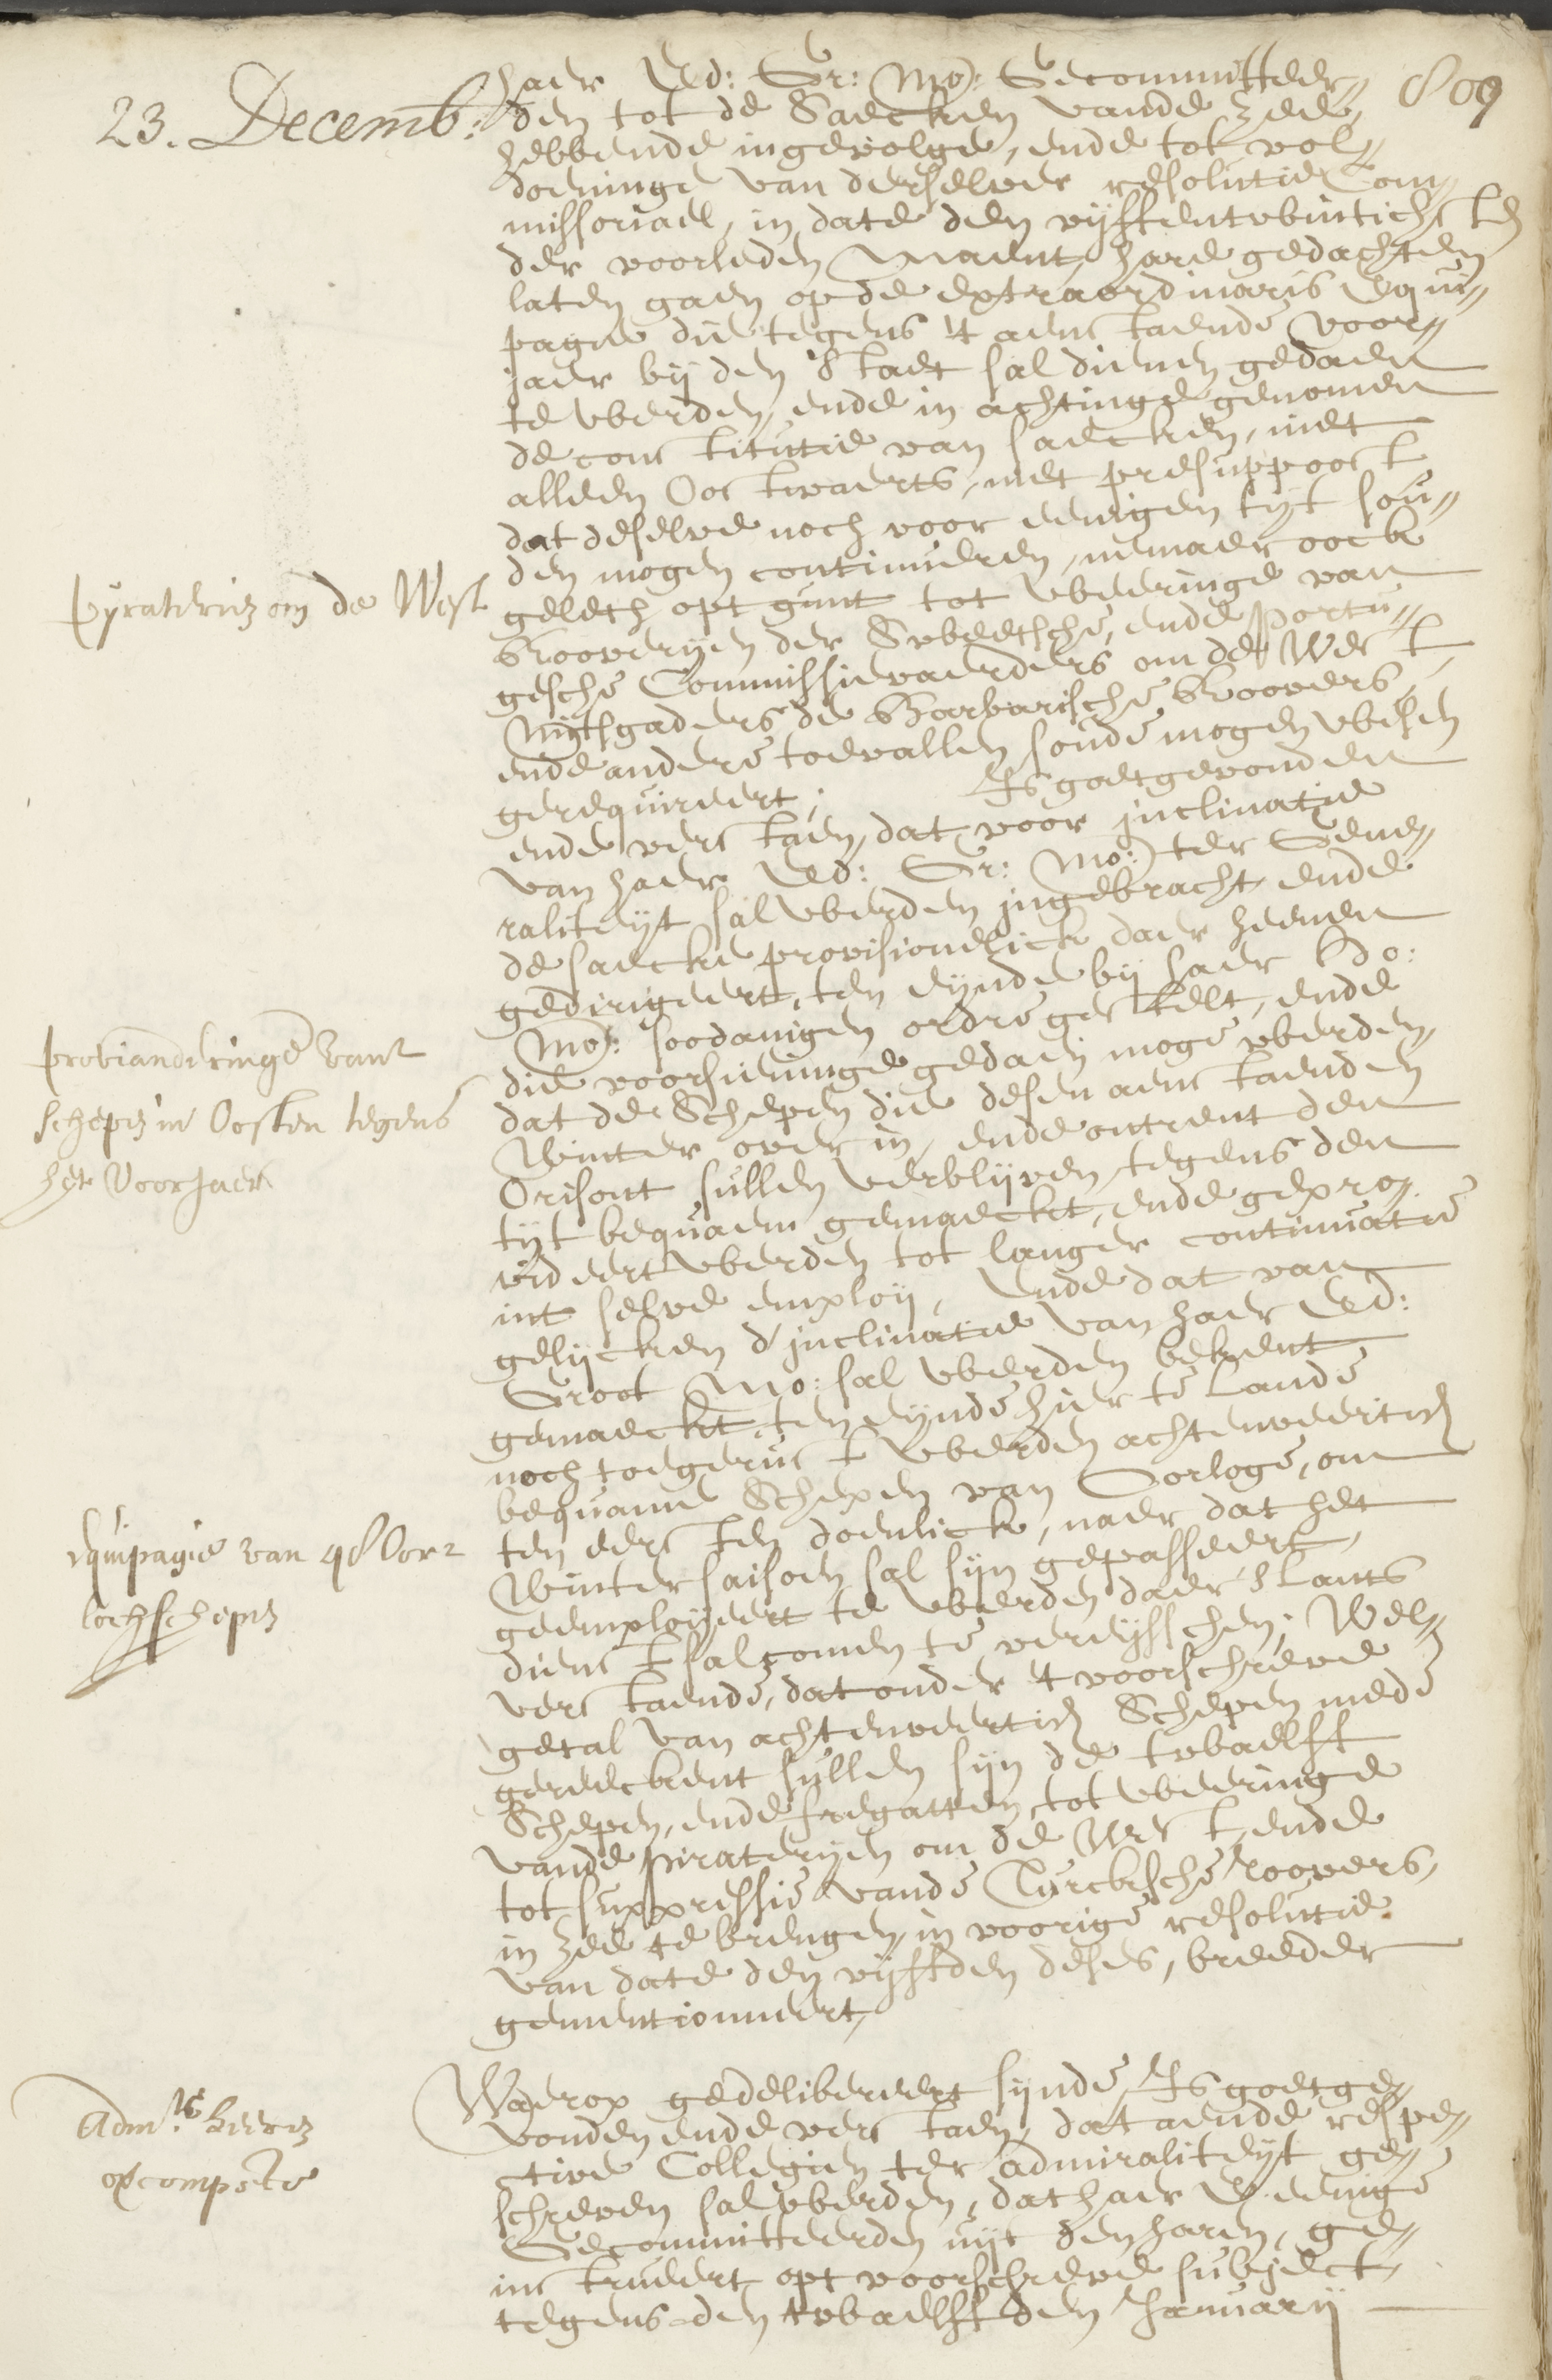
809
23. Decemb:
pijraterien om de West
provianderinge van
schepen in Oosten tegens
het Voorjaer
Equipagie van 48 Oor,,
lochschepen
haer Ed:Gr:Mo: Gecommitteer,,
den tot de Saecken vande zee,
hebbende ingevolge, ende tot vol,,
doeninge van derselver resolutie Com,,
missoriael, in date den vijffentwintichsten
der voorleden maent, hare gedachten
laten gaen op de extraordinaris Equi,,
pagie die tegens 't aenstaende voor,,
jaer bij den Staet sal dienen gedaen
te werden, ende in achtinge genomen
de constitutie van saecken, niet
alleen Oostwaerts, met presuppoost
dat deselve noch voor eenigen tijt sou,,
den mogen continueren, nemaer oock
geleth opt gunt tot weeringe van
Rooverijen der Sweetsche, ende portu,,
gesche Commissievaerders om de West,
mitsgaders de Barbarische Roovers,
ende andere toevallen soude mogen wesen
gerequireert; Is goetgevonden
ende verstaen, dat voor inclinatie
van haer Ed:Gr:Mo: ter Gene,,
raliteijt sal werden ingebracht, ende
de saecke provisionelick daer heenen
gedirigeert, ten eijnde bij haer Ho:
Mo: soodanigen ordre gestelt, ende
die voorsieninge gedaen moge werden,
dat de Schepen die desen aenstaenden
winter over in, ende ontrent den
Orisont sullen verblijven, tegens den
tijt bequaem gemaeckt, ende gepro,,
videert werden tot langer continuatie
int selve emploij. Ende dat van
gelijcken d'inclinatie van haer Ed:
Groot Mo: sal werden bekent
gemaeckt, ten eijnde hier te Lande
noch toegerust werden achtenveertich
bequame Schepen van Oorloge, om
ten eersten doenlick, naer dat het
Wintersaisoen sal sijn gepasseert,
geemploijeert te werden daer 's Lants
dienst sal comen te vereijsschen; Wel,,
verstaende, dat onder 't voorschreve
getal van achtenveertich Schepen mede
gereeckent sullen sijn de twaelff
Schepen, ende fregatten, tot weeringe
vande piraterijen om de West, ende
tot suppressie vande Turcksche roovers,
in zee te brengen, in voorige resolutie
van date den vijffden deses, breeder
gementionneert.
admts.heeren
opcomste
Waerop gedelibereert sijnde, Is goetge,,
vonden ende verstaen, dat aende respe,,
ctive Collegien ter admiraliteijt ge,,
schreven sal werden, dat haer E. eenige
Gecommitteerden uijt den haren, ge,,
instrueert opt voorschreve subject,
tegens den twaelffden Januarij
